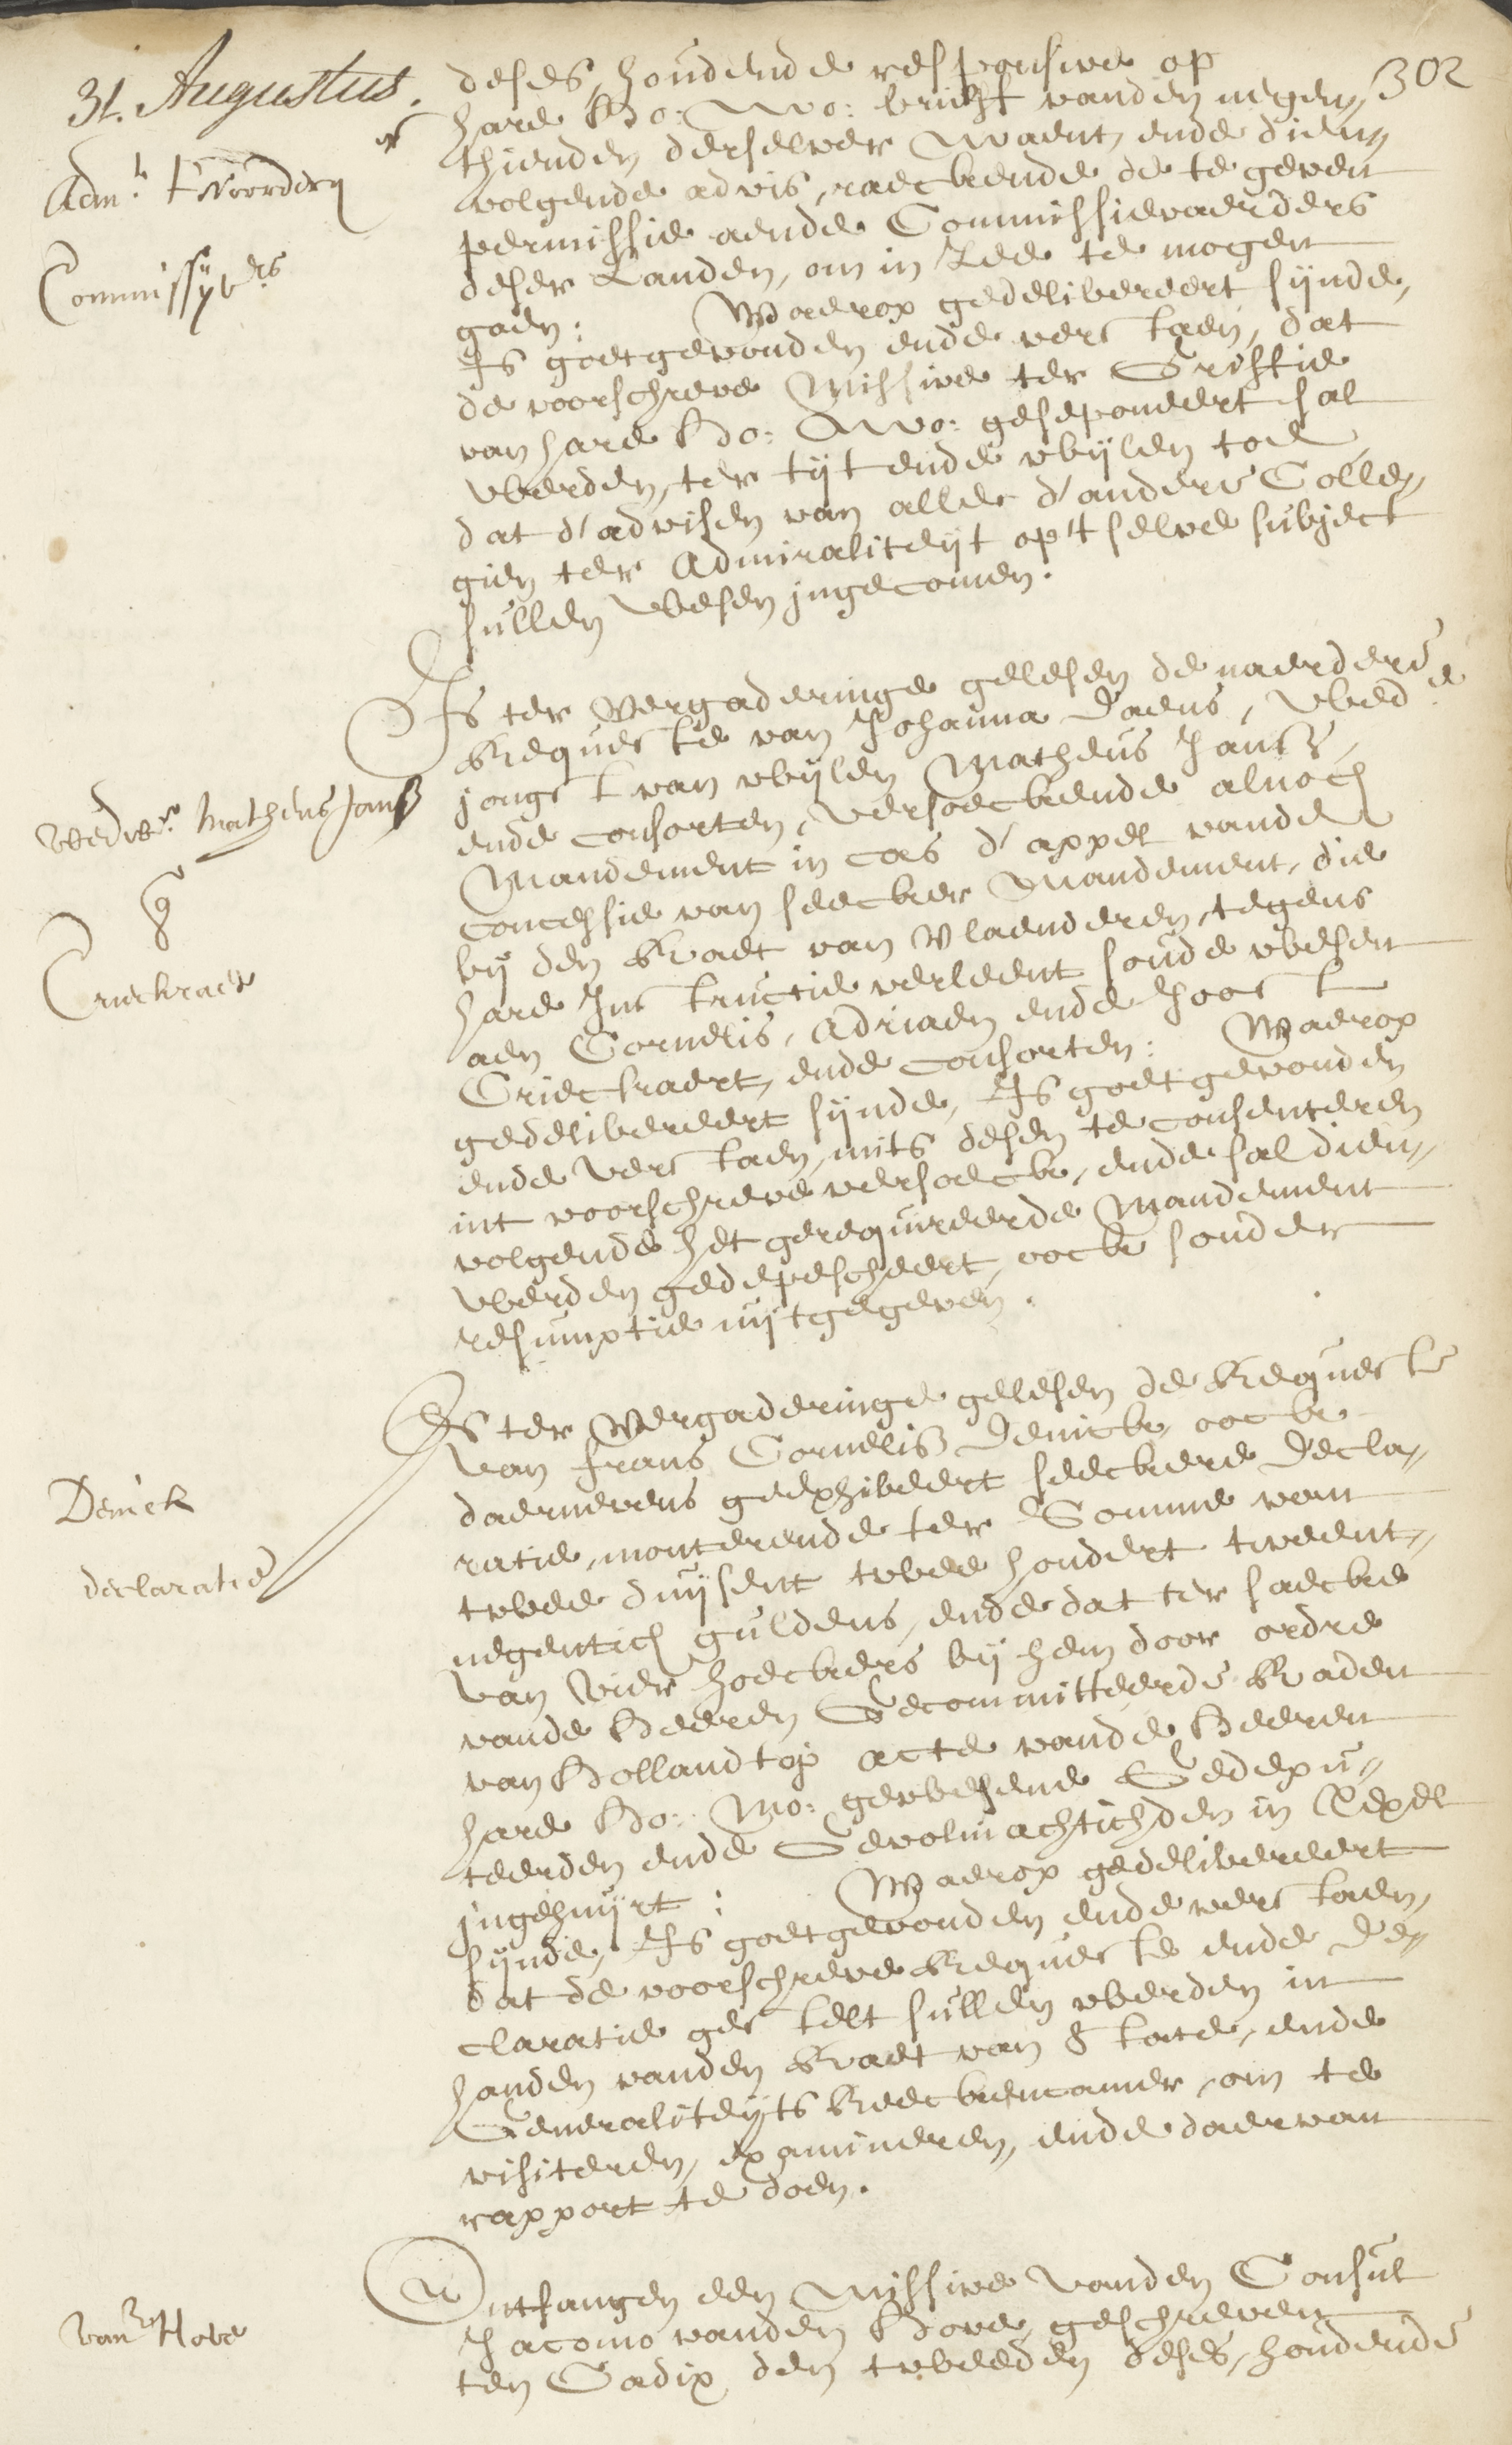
302
31. Augustus.
Admt. t'noorderqr
Comissyvrs.
deses houdende responsive op
hare Ho:Mo: brieff vanden negen,,
thienden derselver maent, ende dien„
volgende advis, raeckende de te geven
permissie aende Commissievaerders
deser Landen, om in Zee te mogen
gaen: Waerop gedelibereert sijnde,
is goetgevonden ende verstaen, dat
de voorschreve missive ter Griffie
van hare Ho:Mo: geseponeert sal
werden, ter tijt ende wijlen toe
dat d'advisen van alle d'andere Colle„
gien ter Admiraliteijt op't selve subject
sullen wesen ingecomen.
Wedwe. Matheus Jans
ca
Crieckraet
Is ter vergaderinge gelesen de naerdere
Requeste van Johanna Daens, wede.
jongst van wijlen Matheus Jans,
ende consorten, versoeckende alnoch
mandement in cas d'appel vande
concessie van seecker mandement, die
bij den Raet van Vlaenderen, tegens
hare Instructie verleent soude wesen
aen Cornelis, Adriaen ende Joost
Crieckaert, ende consorten: Waerop
gedelibereert sijnde, Is goetgevonden
ende verstaen, mits desen te consenteren
int voorschreve versoeck, ende sal dien„
volgende het gerequireerde mandement
werden gedepescheert oock sonder
resumptie uijtgegeven.
Denick
declaratie.
Is ter vergaderinge gelesen de requeste
van Frans Cornelis Denick, oock
daernevens geexhibeert seeckere Decla„
ratie, monterende ter somme van
twee duijsent twee hondert tweent,
negentich guldens, ende dat ter saecke
van vier hoeckers bij hem door ordre
vande Heeren Gecommitteerde Raden
van Hollandt op acte vande Heeren
hare Ho:Mo: gewesene Gedepu„
teerden ende Gevolmachtichden in Texel
ingehuijrt: Waerop gedelibereert
sijnde, is goetgevonden ende verstaen,
dat de voorschreve Requeste ende de„
claratie gestelt sullen werden in
handen vanden Raet van State, ende
Generaliteijts Reeckencamer, om te
visiteren, examineren, ende daervan
rapport te doen.
van Hove
Ontfangen een missive vanden consul
Jacomo vanden Hove geschreven
ten Cadix, den tweeden deses, houdende
